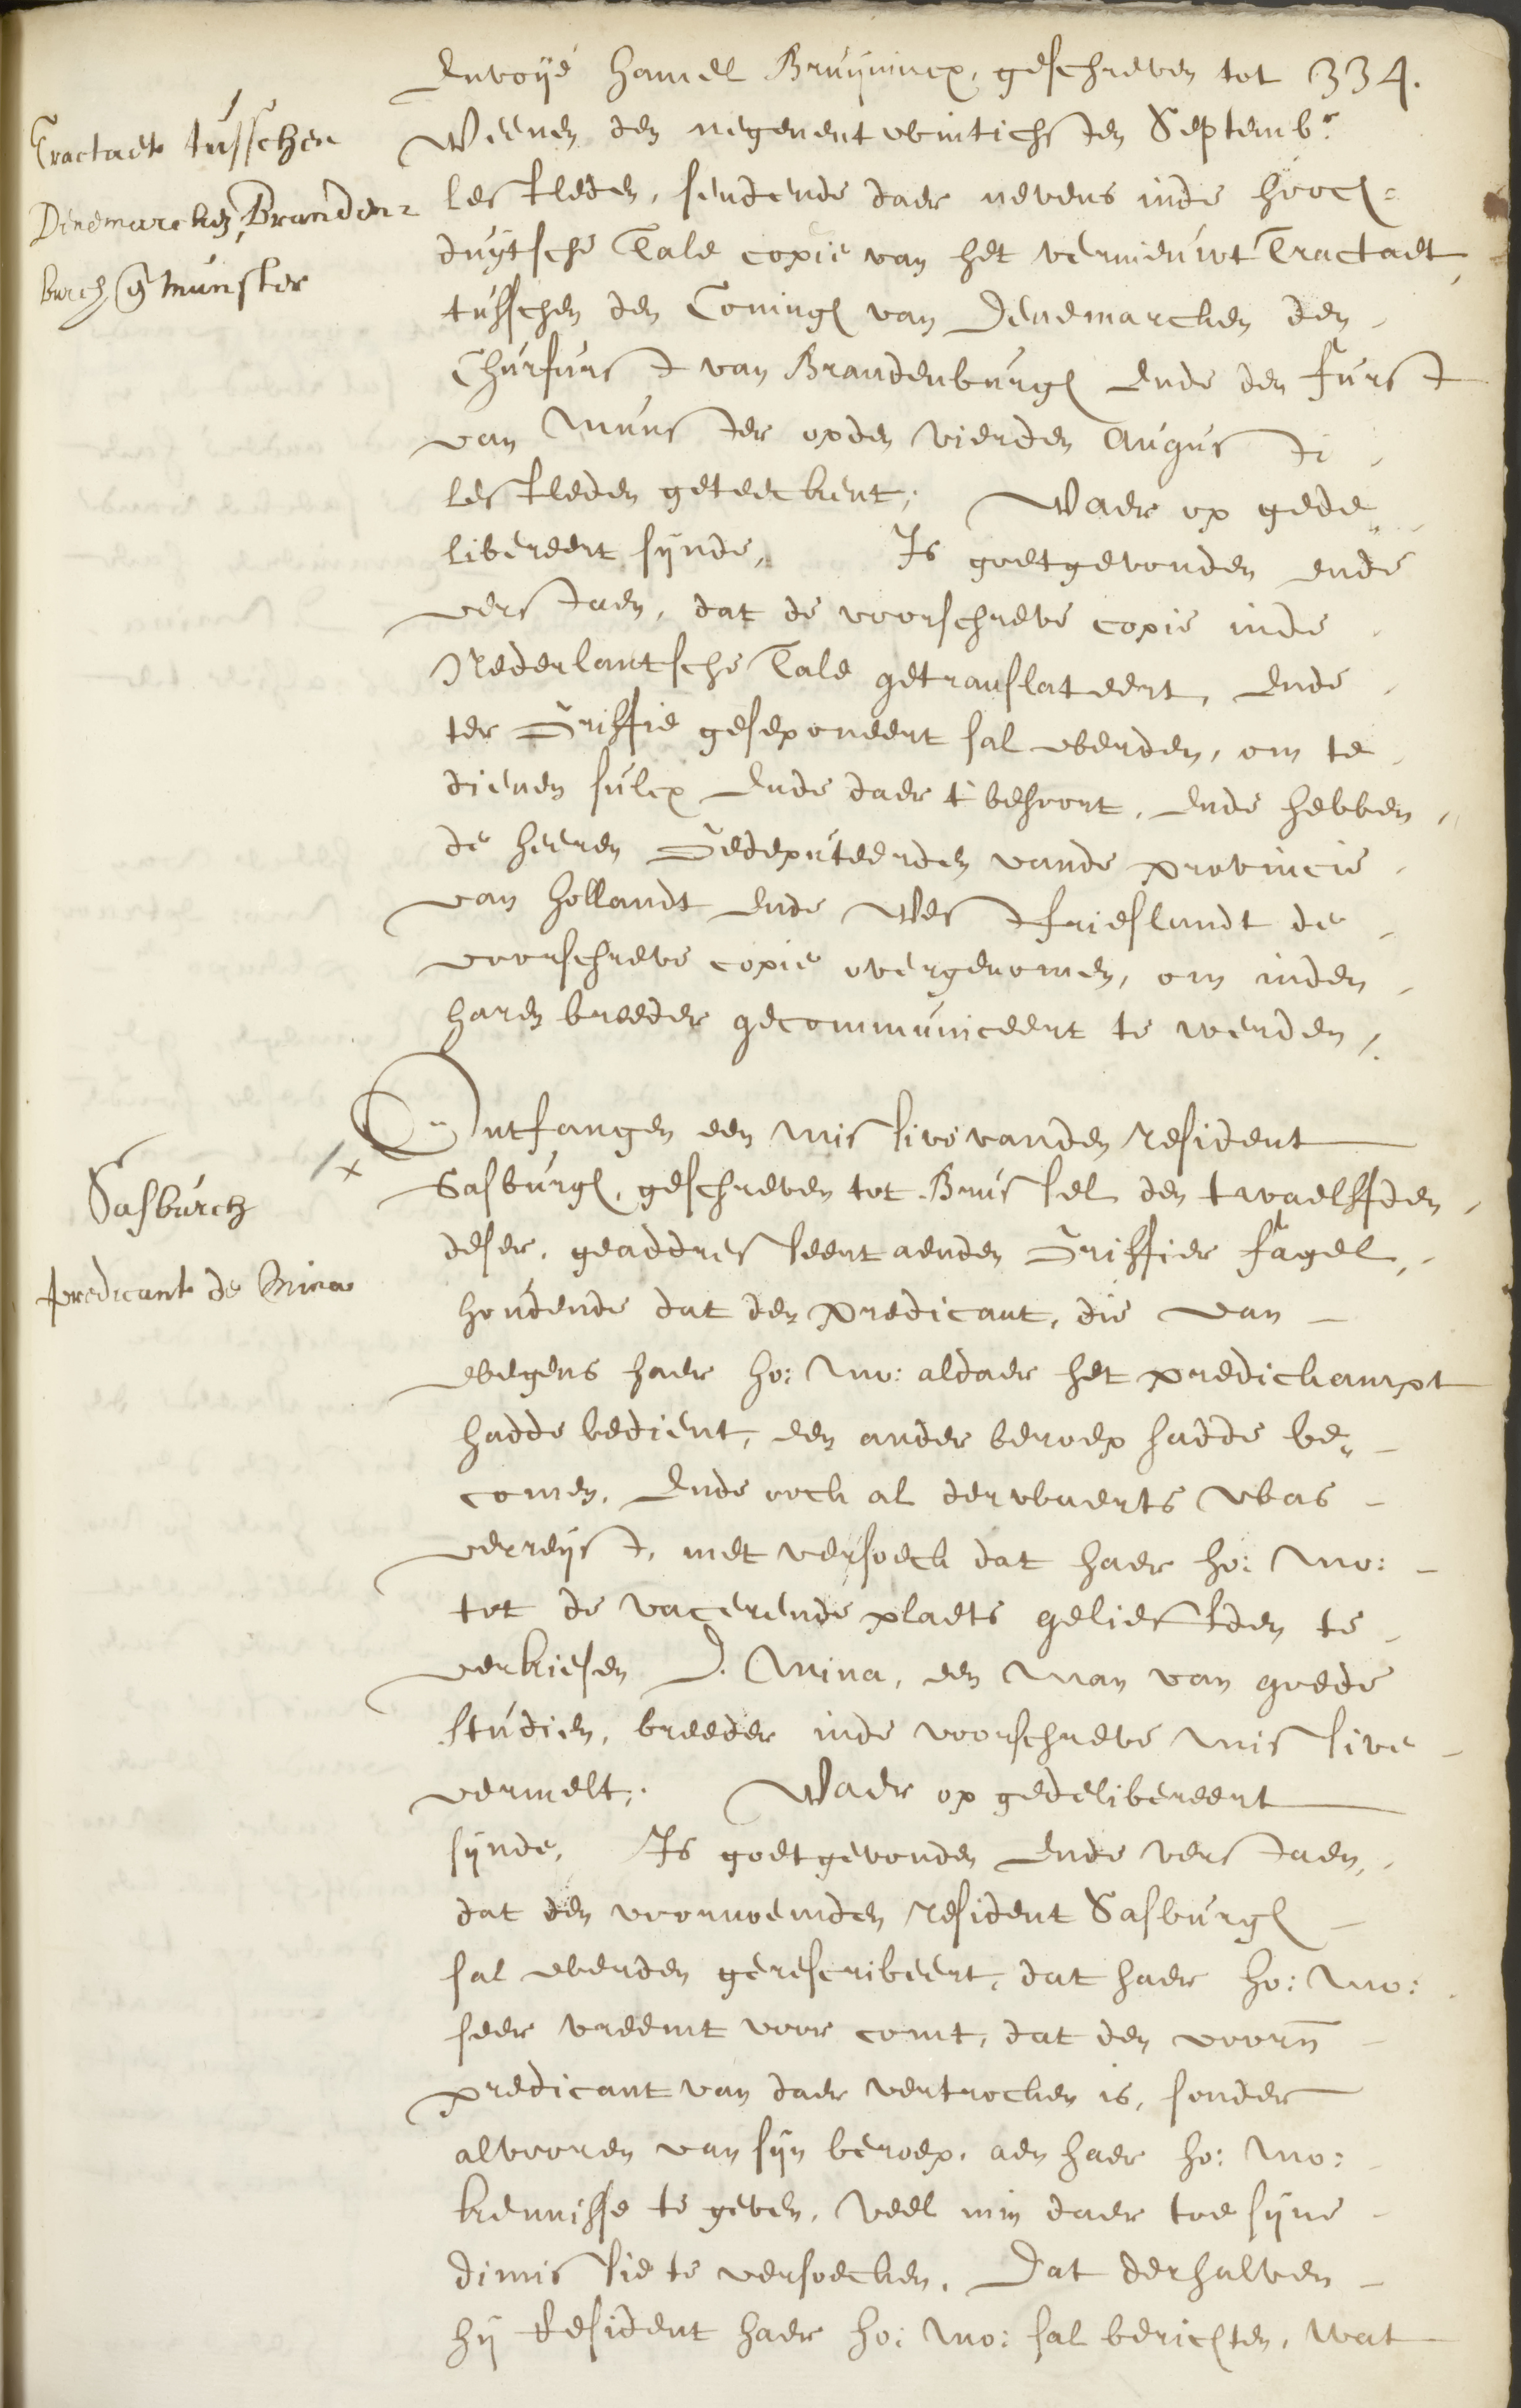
334.
Tractaet tusschen
Denemarcken Branden=
burch & munster
Envoijé Hamel Bruijnincx, geschreven tot
Weenen den negenentwintichsten Septembr.
lestleden, sendende daer nevens inde hooch„
duijtsche Tale copie van het vernieuwt Tractaet
tusschen den Coningh van Denemarcken den
Churfurst van Brandenburgh ende den furst
van Munster opden vierden augusti
lestleden geteeckent; Waer op gede„
libereert sijnde, is goetgevonden ende
verstaen, dat de voorschreve copie inde
Nederlantsche Tale getranslateert, ende
ter Griffie geseponeert sal werden, om te
dienen sulcx ende daer t'behoort, ende hebben,
de heeren Gedeputeerden vande provincie
van hollandt ende Westfrieslandt de
voorschreve copie overgenomen, om inden
haren breeder gecommuniceert te werden
Sasburg
Predicant de Mina
Ontfangen een missive vanden resident
Sasburgh, geschreven tot Brussel den twaelffden
deser, geaddresseert aenden Griffier Fagel,
houdende dat den predicant, die van
wegens haer ho:mo: aldaer het predickampt
hadde bedient, een ander beroephadde be„
comen, ende oock al derwaerts was
verreijst, met versoeck dat haer ho:mo:
tot de vacerende plaets gelieffden te
verkiesen D. Mina, een man van goede
studien, breeder inde voorschreve missive
vermelt; Waer op gedelibereert
sijnde, Is goetgevonden ende verstaen
dat den voornoemden resident Sasburgh
sal werden gerescribeert, dat haer ho:mo:
seer vreemt voor comt, dat den voorn
predicant van daer vertrocken is, sonder
alvooren van sijn beroep aen haer ho:mo:
kennisse te geven, veel min daer toe sijne
dimissie te versoecken. Dat derhalven
hij resident haer ho:mo: sal berichten, wat
